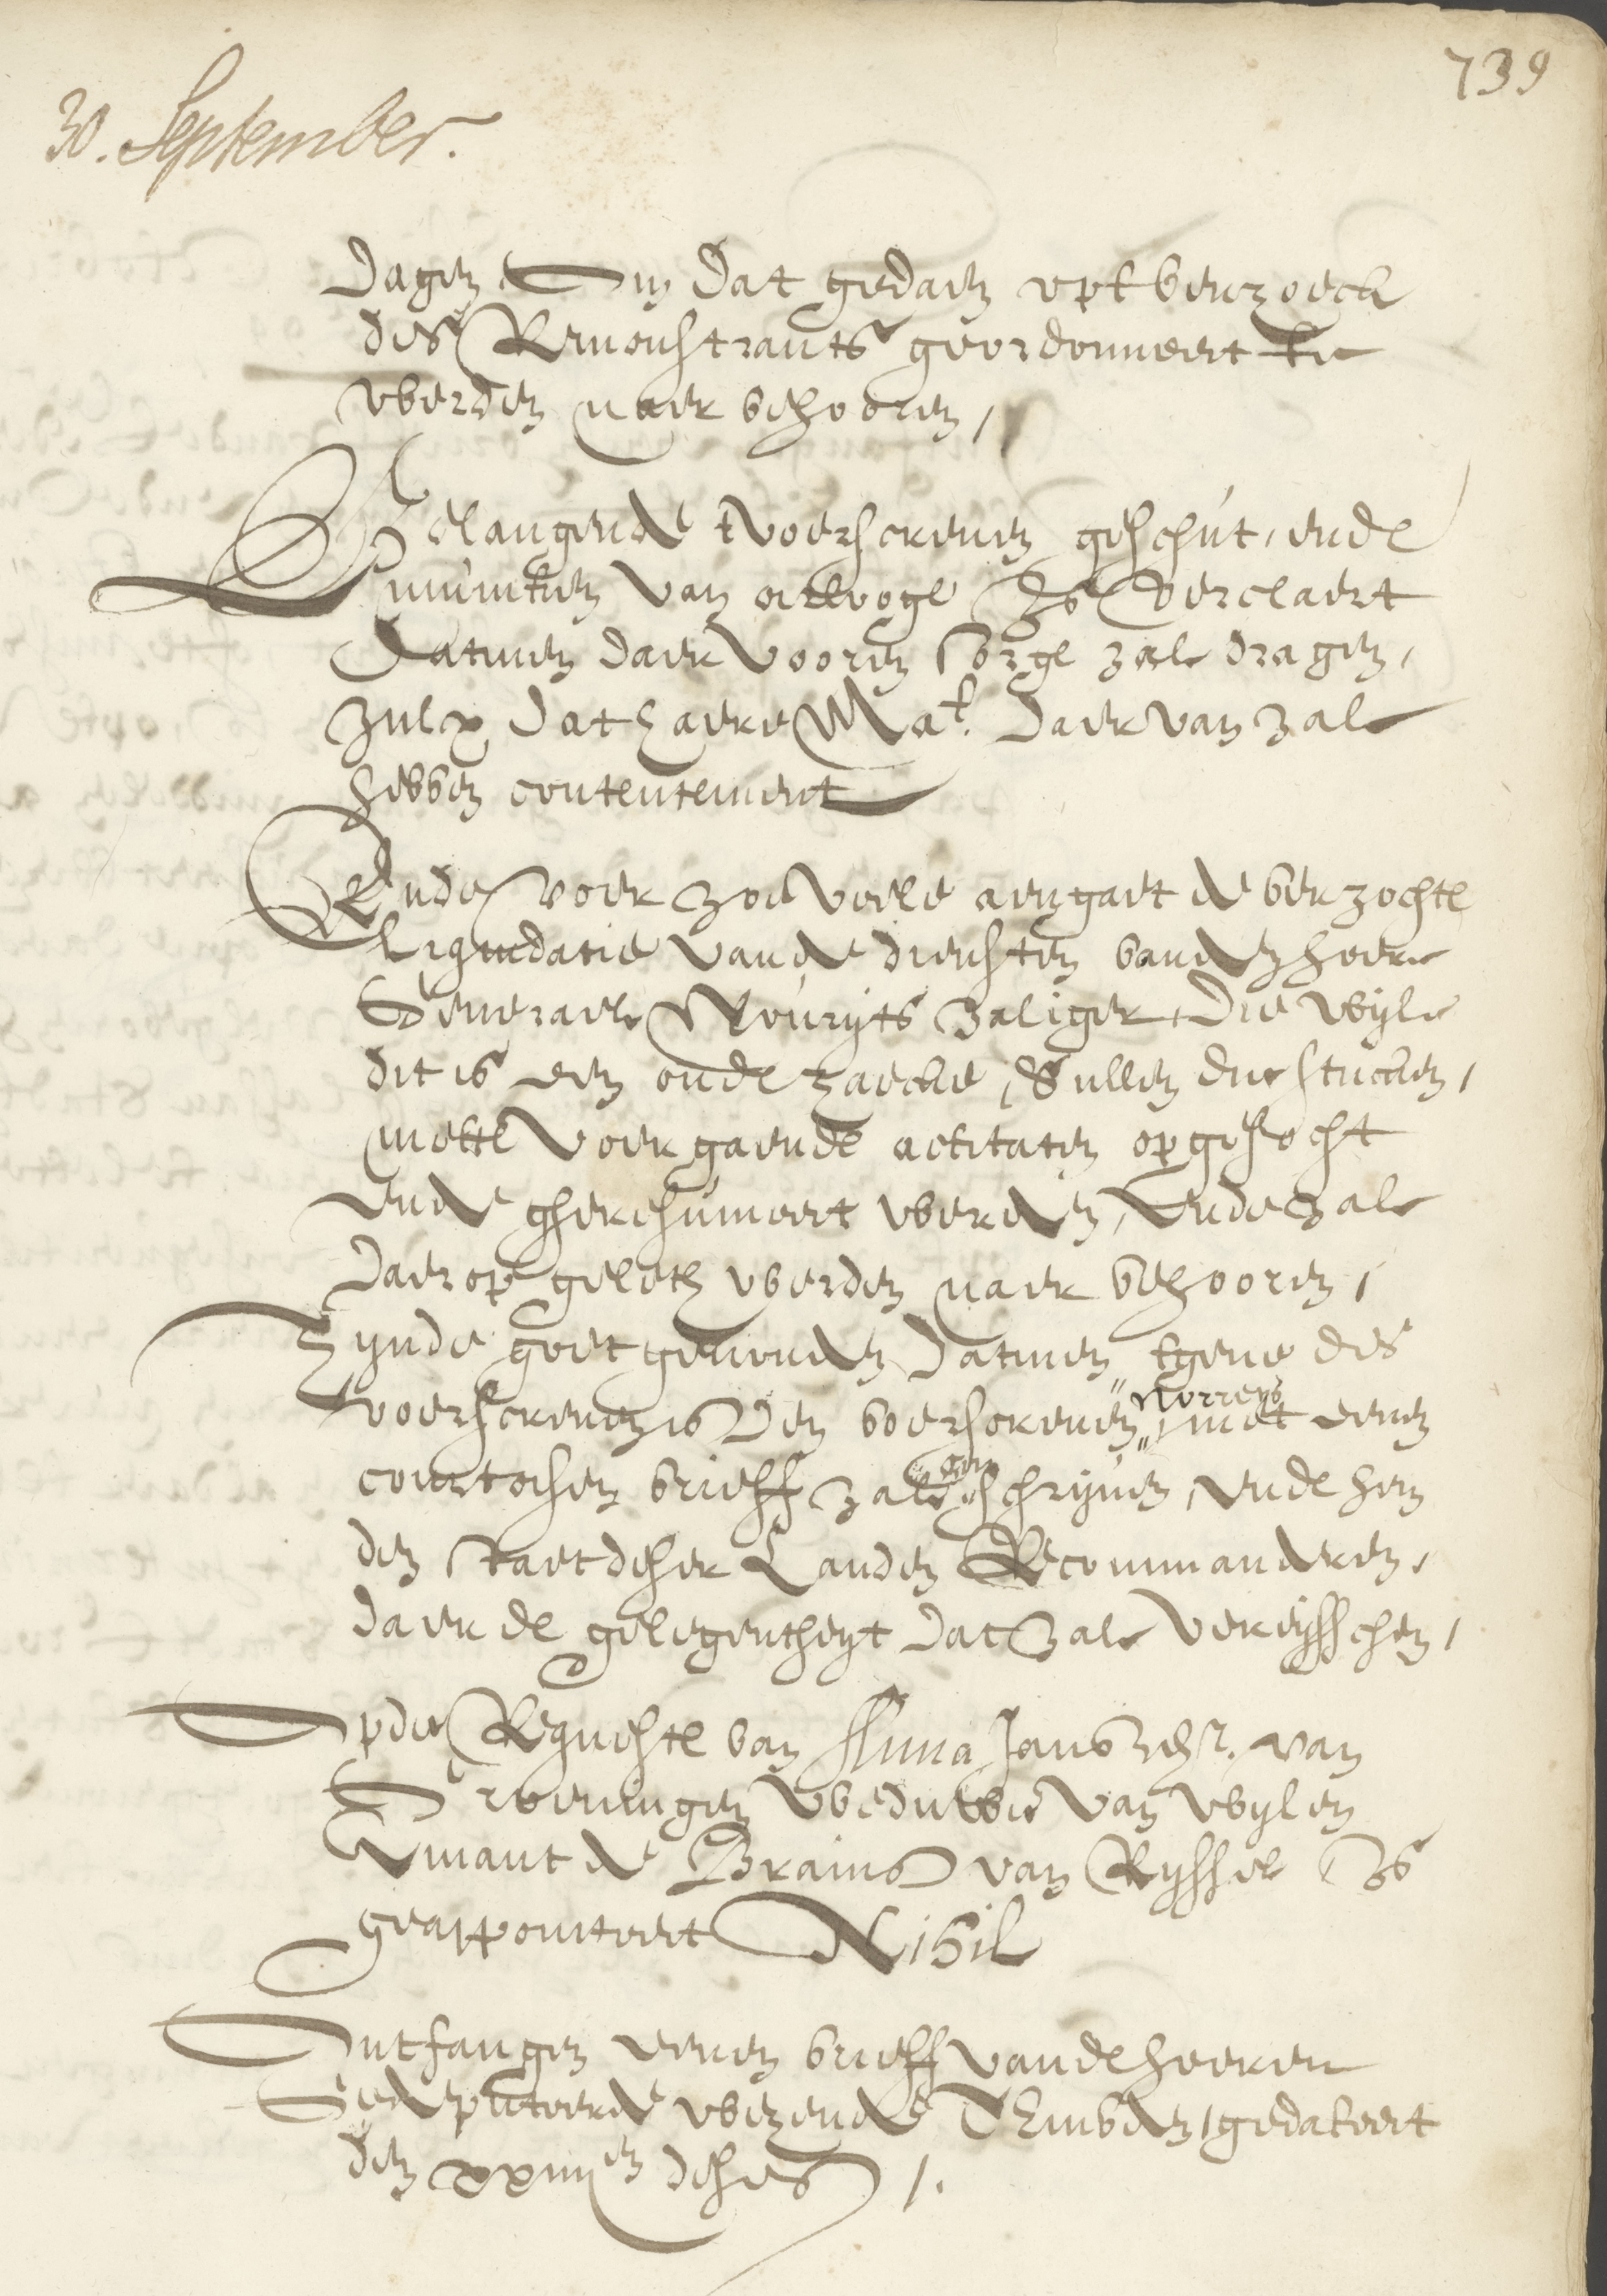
739
30. September.
dagen om dat gedaen opt verzoeck
des Remonstrants geordonneert te
werden naer behooren.
Belangende tvoerscreuen geschut, ende
Munitien van oirlooge Is verclaert
datmen daer vooren sorge zal dragen,
zulx dat haere Mat. daer van zal
hebben contentement
Ende voer zoe veele aengaet de verzochte
liquidatie vande diensten vanden heere
Generael Mouryts zaliger, die wijle
dit is een oude zaecke, sullen die stucken,
mette voergaende actitaten opgesocht
ende gheresumeert werden, ende zal
daerop geleth werden naer behooren.
Zynde goetgevonden datmen tgene des
"Norreys.
voerscreuen is den voerscreuen,, , met eenen
courtoisen brieff zal anschrijven, ende hem
den staet deser Landen Recommanderen,
daer de gelegentheyt dat zal vereijsschen.
Opde Requeste van Anna Janszdr. van
Groningen weduwe van wylen
Qinant de Brains van Rijssel, Is
geappointeert Nihil
Ontfangen eenen brieff vande heeren
Gedeputeerde wezende T Embden gedateert
den xxiijen. deses,
